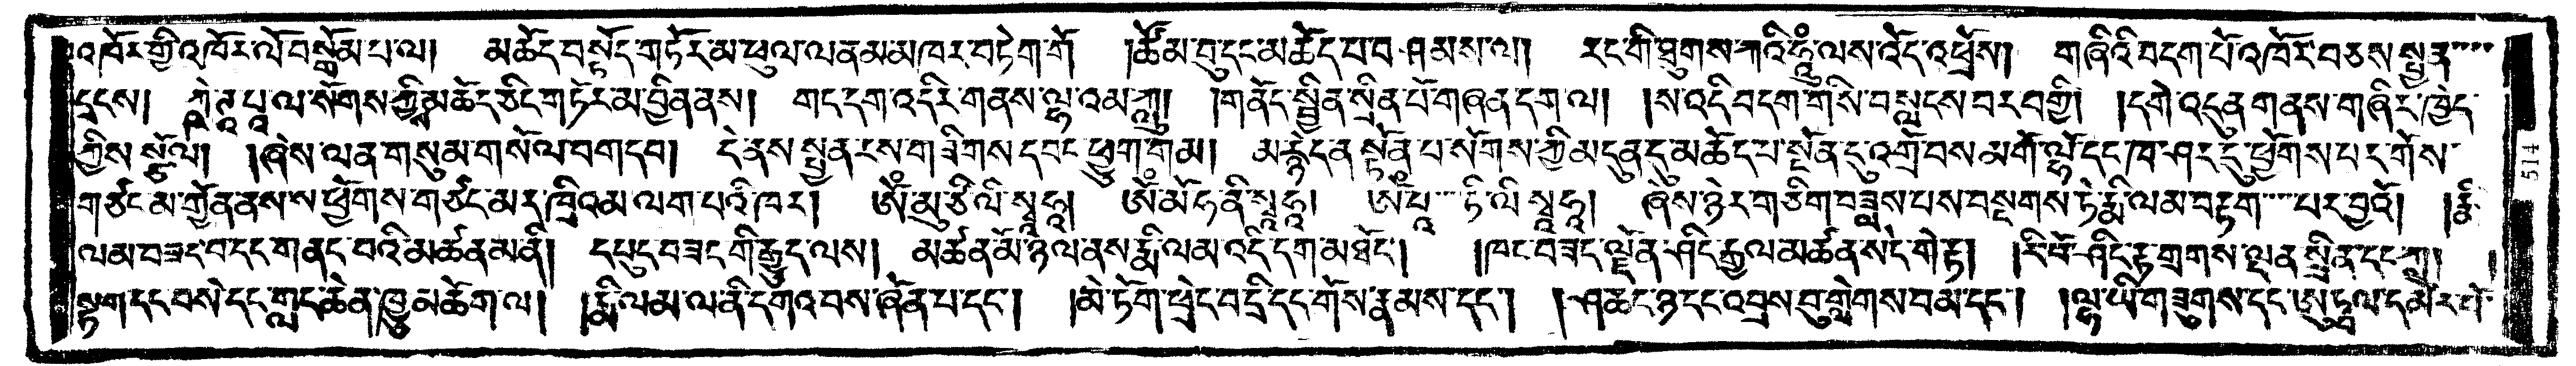འཁོར་གྱི་འཁོར་ལོ་བསྒོམ་པ་ལ། མཆོད་བསྟོད་གཏོར་མ་ཕུལ་ལན་མ་མཁར་བཏེག་གོ །ཚོམ་བུ་དང་མཆོད་བ་བཤད་ལ། །རང་གི་ཐུགས་ཀའི་ཧཱུཾ་ལས་འོད་འཕྲོས། གཞིའི་བདག་པོ་འཁོར་བཅས་སྤྱན་
དྲངས། ཀཥེ་ཊཱ་པཱ་ལ་སོགས་ཀྱིས་མཆོད་ཅིང་གཏོར་མ་བྱིན་ནས། གང་དག་འདིར་གནས་ལྷ་འམ་ཀླུ། །གནོད་སྦྱིན་སྲིན་པོ་གཞན་དག་ལ། །ས་འདི་བདག་གིས་བསླངས་བར་བགྱི། །དགེ་འདུན་གནས་གཞིར་ཁྱེད་
ཀྱིས་སྩོལ། །ཞེས་ལན་གསུམ་གསོལ་བ་གདབ། དེ་ནས་སྤྱན་རས་གཟིགས་དབང་ཕྱུག་གམ། མ་རྙེད་ན་སྟོན་པ་སོགས་ཀྱི་མདུན་དུ་མཆོད་པ་སྔོན་དུ་འགྲོ་བས་མགོ་ལྷོ་དང་ཁ་ཤར་དུ་ཕྱོགས་པར་གོས་
གཙང་མ་གྱོན་ནས་ས་ཕྱོགས་གཙང་མར་ཁྲིའམ་ལག་པའི་ཁར། ཨོཾ་མུ་ཙི་ལི་སྭཱཧཱ། ཨོཾ་མོ་ཧ་ནི་སྭཱ་ཧཱ། ཨོཾ་པཱ་ཏི་ལི་སྭཱཧཱ། ཞེས་ཉེར་གཅིག་བཟླས་པས་བསྔགས་ཏེ་རྨི་ལམ་བརྟག་པར་བྱའོ། །རྨི་
ལམ་བཟང་བ་དང་གནང་བའི་མཚན་མ་ནི། དཔུང་བཟང་གི་རྒྱུད་ལས། མཚན་མོ་ཉལ་ནས་རྨི་ལམ་འདི་དག་མཐོང་། །ཁང་བཟང་ལྗོན་ཤིང་རྒྱལ་མཚན་སེང་གེ་རྟ། །རི་བོ་ཤིང་རྟ་གྲགས་ལྡན་སྲིན་དང་ཀླུ། །
སྟག་དང་བསེ་དང་གླང་ཆེན་ཁྱུ་མཆོག་ལ། །རྨི་ལམ་ལ་ནི་དགའ་བས་ཞོན་པ་དང་། །མེ་ཏོག་ཕྲེང་བ་དྲི་དང་གོས་རྣམས་དང་། །ཤ་ཆང་ཉ་དང་འབྲས་བུ་གླེགས་བམ་དང་། །ལྷ་ཡི་གཟུགས་དང་ཨུཏྤལ་དམར་པོ་